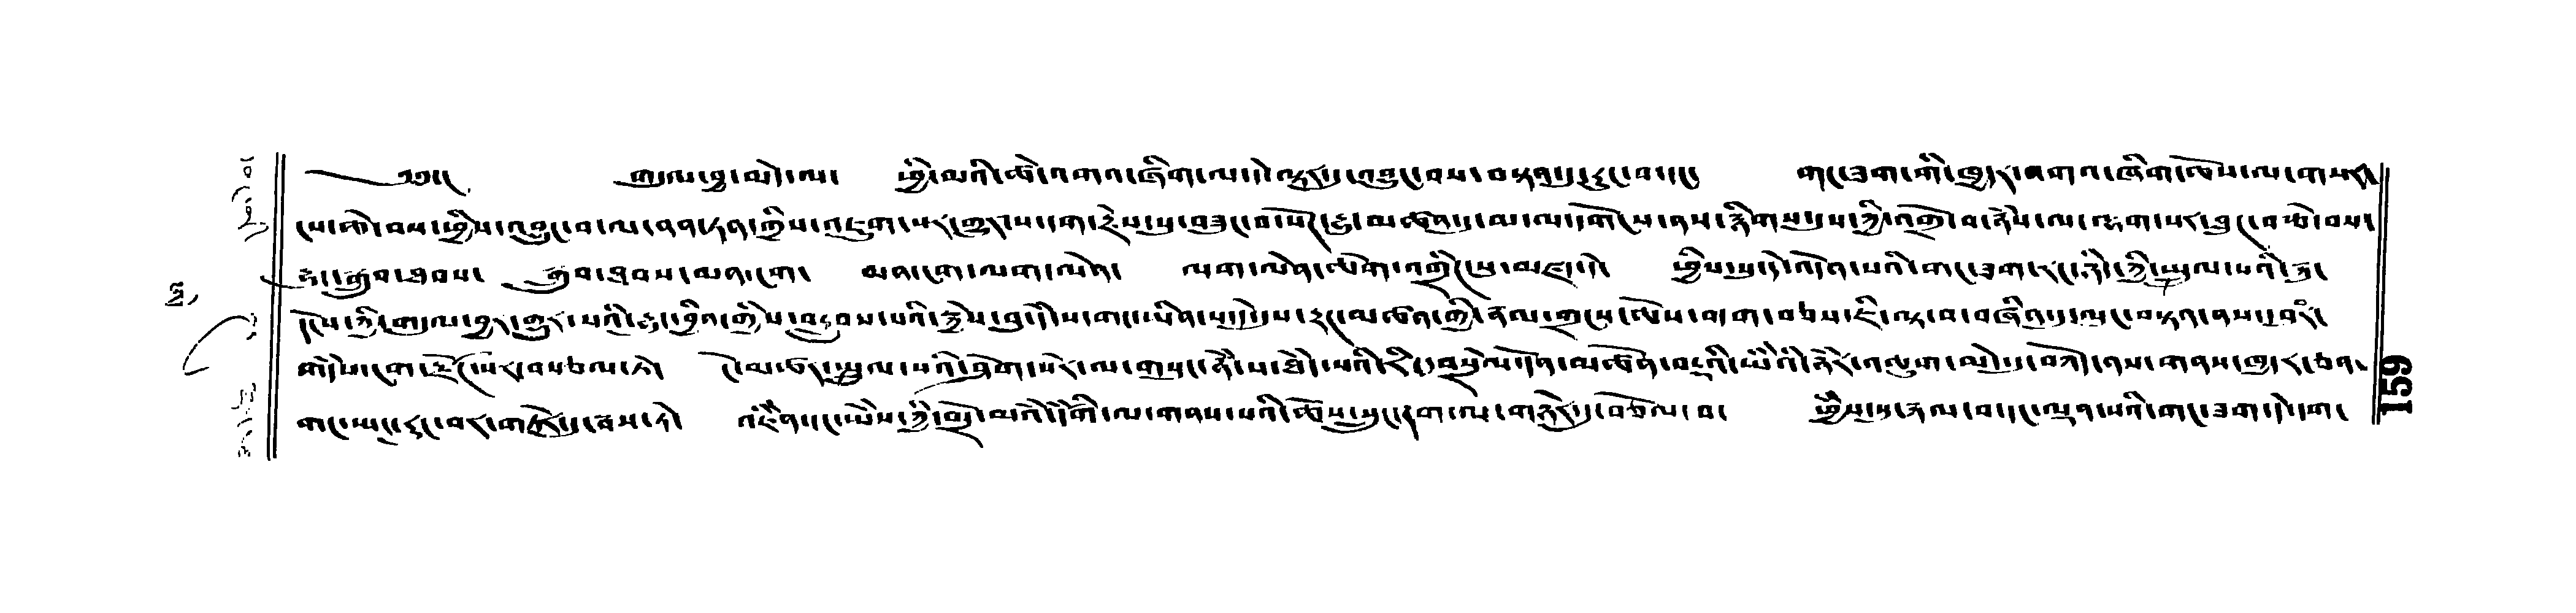གདུལ་བྱ་མེད་ལ། ཕྱི་མའི་ཚེ་འགའ་ཞིག་ལ་དེ་ལྟར་དུ་འབྱུང་བས་བསྟན་དུ་རུང་བ་དང་། གང་ཟག་གི་ཁྱད་པར་འགའ་ཞིག་ཆོས་ལ་གསར་
ངས་ཆེ་བས་ཕྱིས་འབྱུང་བ་ལ་ནན་ཏན་གྱིས་འཇུག་པར་གྱུར་པ་དག་རྗེས་སུ་བཟུང་བ་སོགས་རྒྱུ་མཚན་དུ་མ་ལ་དགོངས་ནས་སྙིགས་དུས་ཀྱི་འགྲོ་བ་རྣམས་ལ་ལྷག་པར་ཐུགས་བརྩེ་བས་
རྒྱུད་སྒྲུབ་ཐབས། སྒྲུབ་ཐབས་མན་ངག མན་ངག་ལག་ལེན། ལག་ལེན་ཆོག་འགྲིགས་སུ་མཛད་དོ། ཕྱིས་སུ་དེ་འདོན་པའི་གང་ཟག་རང་ཉིད་ཀྱི་སྤྲུལ་པའི་སྐུ་
དངོས་ཀྱི་གདུལ་བྱར་གྱུར་པའི་རྒྱུད་བྱིན་གྱིས་བརླབས་པའི་སྐྱེས་བུ་དམ་པ་གང་ཡིན་པ་དེ་དུས་རྟགས་མཚན་གྱི་རྣམ་གྲངས་ཆོས་བདག་བཅས་ཇི་ལྟ་བ་བཞིན་དུ་ལུང་བསྟན་ནས་དབང་བསྐུར་
གདམས་ངག་རྫོགས་པར་བསྩལ་སྟེ། ངོ་མཚར་སྤྲུལ་པའི་ཤོག་སེར་ལ་གསུང་རྣམ་པ་ཐམས་ཅད་པའི་རིང་བསྲེལ་དོན་མཚོན་བརྡའི་ཡི་གེའི་རྣམ་པར་འཆུག་མེད་དུ་བཀོད་ནས་གནས་ཁྱད་པར་ཅན་
གང་ཡང་རུང་བར་གཏེར་དུ་སྦས་ཏེ། འཇིག་རྟེན་དང་ཡེ་ཤེས་ཀྱི་མཁའ་འགྲོ་མའམ་དམ་ཚིག་ལ་གནས་པའི་ཆོས་སྲུང་དག་ལ་གཉེར་དུ་བཅོལ་བ། ཕྱིས་སུ་སྐལ་བ་དང་ལྡན་པའི་གང་ཟག་དེ་དག་